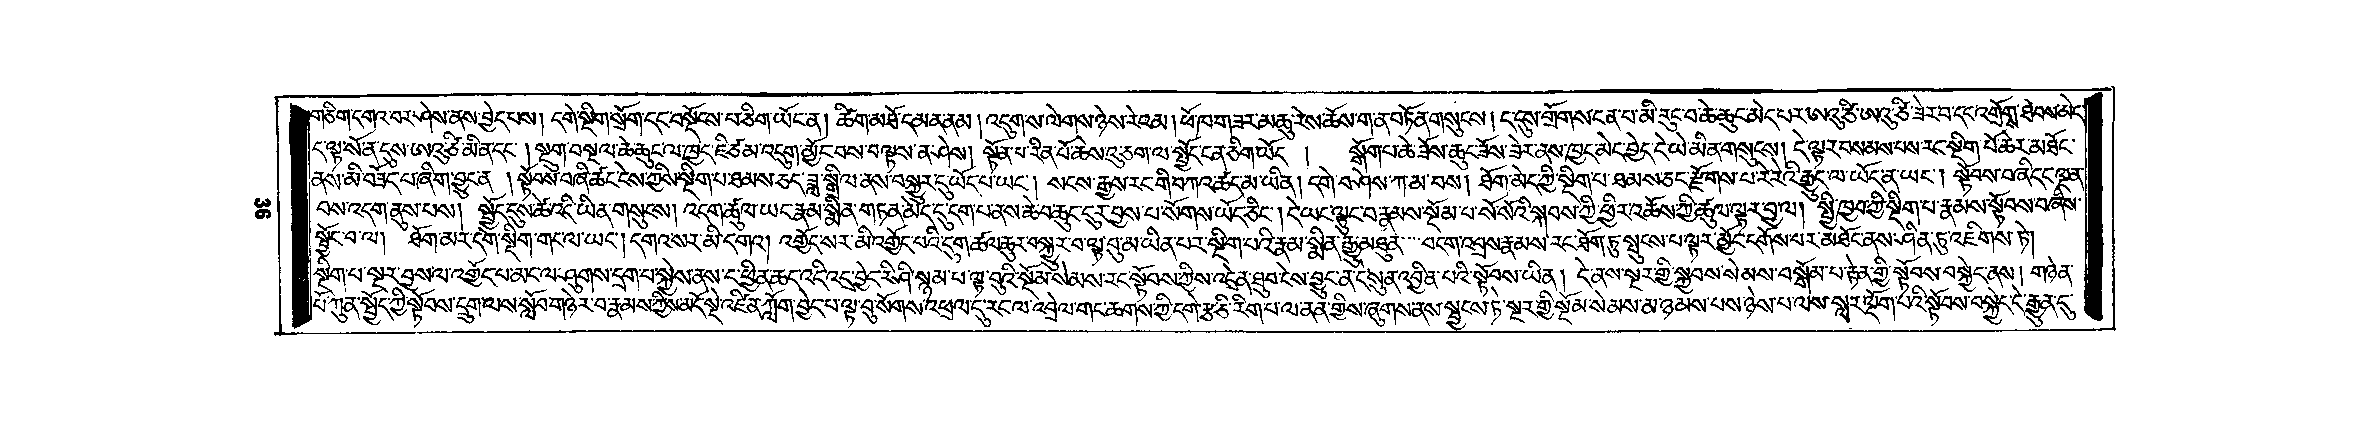གཅིག་དགའ་བར་ཤེས་ནས་བྱེད་པས། དགེ་སྡིག་སྲོག་དང་བསྡོངས་པ་ཅིག་ཡོང་ན། ཚིག་མཐོ་དམན་ནམ། འདུག་ས་ལེགས་ཉེས་རེའམ། ཕོ་ཁ་གཟར་མཆུ་རེས་ཆོས་ག་ན་བཏོན་གསུངས། ད་དུས་གྲོགས་ངན་པ་མི་རུང་བ་ཆེ་ཆུང་མེད་པར་ཨཱུ་ཙི་ཨཱུ་ཙི་ཟེར་བ་དང་འགྲོགས་ཐེབས་མེད་
ད་ལྟ་སོ་ན་དུས་ཨཱུ་ཙི་མིན་དང་། སྡུག་བསྔལ་ཆེ་ཆུང་ལ་ཁྱད་ཇི་ཙམ་འདུག་མྱོང་བས་བལྟས་ན་ཤེས། སྟོན་པ་རིན་པོ་ཆེས་འུ་ཅག་ལ་སྤྱོད་ངན་ཅིག་ཡོད། སྒོག་པ་ཆེ་ཟོས་ཆུང་ཟོས་ཟེར་ནས་ཁྱད་མེད་བྱེད་དེ་ཡེ་མིན་གསུངས། དེ་ལྟར་བསམས་པས་རང་སྡིག་པོ་ཆེར་མཐོང་
ནས་མི་བཟོད་པ་ཞིག་བྱུང་ན། སྟོབས་བཞི་ཚང་ངེས་ཀྱིས་སྡིག་པ་ཐམས་ཅད་ཟླ་སྒྲིལ་ནས་བསྐྱུར་དུ་ཡོད་པ་ཡང་། སངས་རྒྱས་རང་གི་བཀའ་ཚད་མ་ཡིན། དགེ་བཤེས་ཀ་མ་བས། ཐོག་མེད་ཀྱི་སྡིག་པ་ཐམས་ཅད་རྫོགས་པ་རེ་རེའི་རྒྱུད་ལ་ཡོད་ན་ཡང་། སྟོབས་བཞི་དང་ལྡན་
བས་འདག་ནུས་པས། སྦྱོད་དུས་ཚེ་འདི་ཡིན་གསུངས། འདག་ཚུལ་ཡང་རྣམ་སྨིན་གཏན་མེད་དུ་དག་པ་ནས་ཆེ་བ་ཆུང་ངུར་བྱས་པ་སོགས་ཡོད་ཅིང་། དེ་ཡང་ལྟུང་བ་རྣམས་སྡོམ་པ་སོ་སོའི་སྐབས་ཀྱི་ཕྱིར་འཆོས་ཀྱི་ཚུལ་ལྟར་བྱ་ལ། སྤྱི་ཁྱབ་ཀྱི་སྡིག་པ་རྣམས་སྟོབས་བཞིས་
སྦྱོང་བ་ལ། ཐོག་མར་དགེ་སྡིག་གང་ལ་ཡང་། དགའ་སར་མི་དགའ། འགྱོད་སར་མི་འགྱོད་པའི་དུག་ཚལ་ཆུར་བསྐྱུར་བ་ལྟ་བུ་མ་ཡིན་པར་སྡིག་པའི་རྣམ་སྨིན་རྒྱུ་མཐུན་བདག་འབྲས་རྣམས་རང་ཐོག་ཏུ་སྤུངས་པ་ལྟར་མྱོང་དགོས་པར་མཐོང་ནས་ཤིན་ཏུ་འཇིགས་ཏེ།
སྡིག་པ་སྔར་བྱས་ལ་འགྱོད་པ་མང་ལ་ཤུགས་དྲག་པ་སྐྱེས་ནས་ད་ཕྱིན་ཆད་འདི་འདྲ་བྱེད་རི་ཤི་སྙམ་པ་ལྟ་བུའི་སྡོམ་སེམས་རང་སྟོབས་ཀྱིས་འདྲེན་ཐུབ་ངེས་བྱུང་ན་དེ་སུན་འབྱིན་པའི་སྟོབས་ཡིན། དེ་ནས་སྔར་གྱི་སྐྱབས་སེམས་བསྒོམ་པ་རྟེན་གྱི་སྟོབས་བསྐྱེད་ནས། གཉེན་
པོ་ཀུན་སྤྱོད་ཀྱི་སྟོབས་དྲུག་ལས་སློབ་གཉེར་བ་རྣམས་ཀྱིས་མདོ་སྡེ་འཛིན་ཀློག་བྱེད་པ་ལྟ་བུ་སོགས་འཕྲལ་དུ་རང་ལ་འབྲེལ་གང་ཆགས་ཀྱི་དགེ་རྩ་ཅི་རིག་པ་ལ་ནན་གྱིས་ཞུགས་ནས་སྦྱངས་ཏེ་སྔར་གྱི་སྡོམ་སེམས་མ་ཉམས་པས་ཉེས་པ་ལས་སླར་ལྡོག་པའི་སྟོབས་བསྐྱེད་དེ་རྒྱུན་དུ་